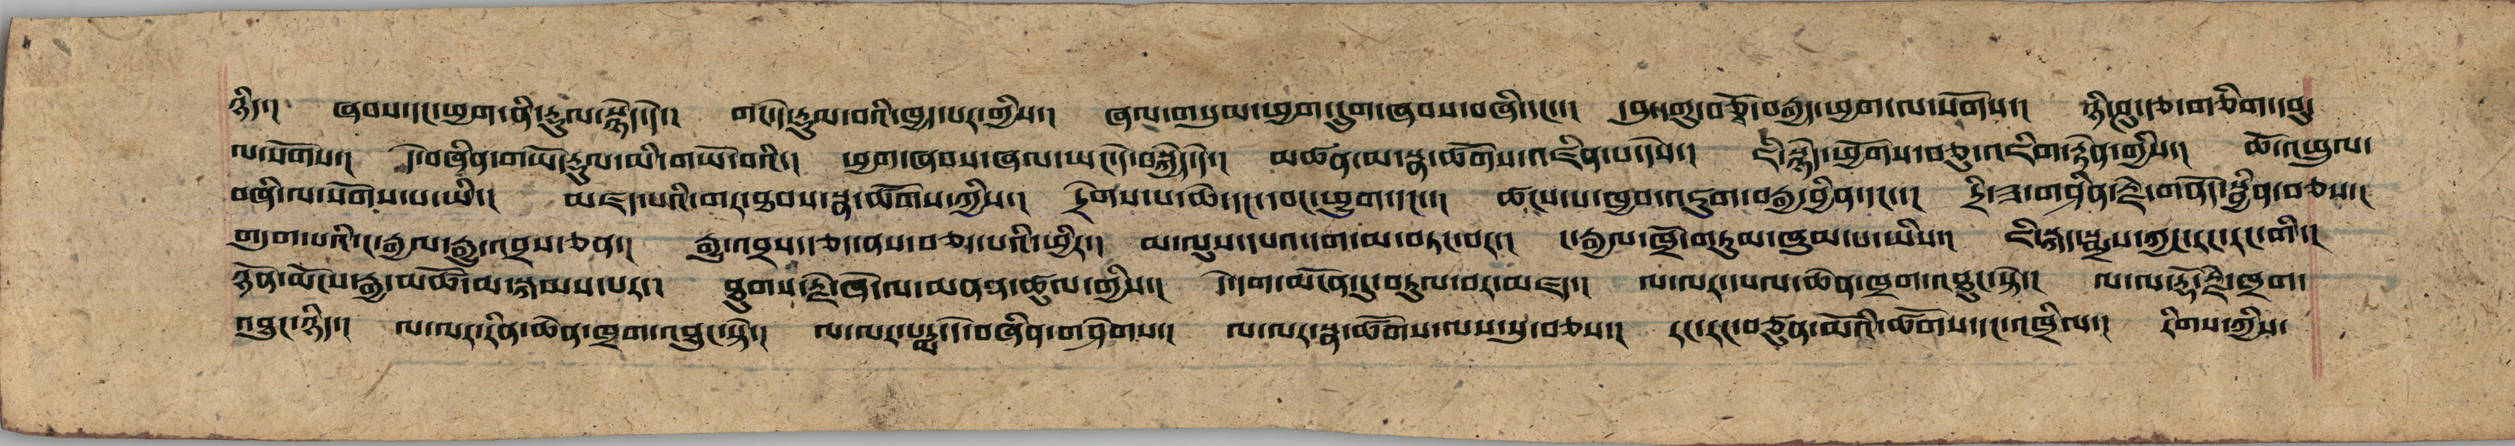ཉིད་། ཞབས་དང་ཕྱག་ནི་རྡུལ་སྙེད་དེ་། གང་དེ་རྡུམ་བའི་ཁྱད་པར་གྱིས་། ཞལ་གསུམ་ཕྱག་དྲུག་ཞབས་བཞི་དང་་། དབུ་དགུ་བཅྭོ་བརྒྱད་ཕྱག་ལ་སོགས་། ཉི་ཤུ་རྩ་གཅིག་དབུ་
ལ་སོགས་། དེ་བཞིན་གཡོ་རྟུལ་མི་གཡོ་བའི་། ཕྱག་ཞབས་ཞལ་ཡང་དེ་བསྐྱེད་དེ་། མཚན་མ་སྣ་ཚོགས་འཛིན་པ་དེས་། ཇི་སྙེད་ཕྱོགས་བཅུ་འཇིག་རྟེན་གྱིས་། ཆོ་འཕྲུལ་
བཞི་ལ་སོགས་པ་ཡི་། མཛད་པའི་གར་ཐབས་སྣ་ཚོགས་ཀྱིས་། དྲེགས་པ་ཆེ་དང་དབང་ཕྱུག་དང་་། ཚངས་པ་ཁྱབ་འཇུག་བརྒྱ་བྱིན་དང་་། དྲི་ཟ་གཤིན་རྗེ་གནོད་སྦྱིན་བཅས་།
གདུག་པའི་ང་རྒྱལ་རྒྱུ་འབྲས་ཅན་། རྒྱུ་འབྲས་རྩད་ནས་བཅད་པའི་ཕྱིར་། མ་ལུས་དཔའ་དག་མ་བཏང་པར་། ང་རྒྱལ་ཁྲོ་གཏུམ་ཞུམ་པ་ཡིས་། ཇི་སྐད་སྨྲས་ཀྱང་རང་རང་གི་།
ཉོན་མོངས་རྒྱ་མཚོ་མ་སྐམས་པར་། ཐུགས་རྗེ་ཞེ་ལ་མནན་ཚུལ་གྱིས་། དེ་དག་མངོན་དུ་བཏུལ་བར་མཛད་། ལ་ལར་དཔལ་ཆེན་ཁྲག་འཐུང་སྟེ་། ལ་ལ་རྡོ་རྗེ་ཁྲག་
འབྱུང་ཉིད་། ལ་ལར་རིན་ཆེན་ཁྲག་འཐུང་སྟེ་། ལ་ལར་པདྨ་དེ་བཞིན་གཤེགས་། ལ་ལར་སྣ་ཚོགས་ལས་སུ་བཅས་། རང་རང་བཙུན་མོའི་ཚོགས་དང་འཁྲིལ་། རིགས་ཀྱིས་